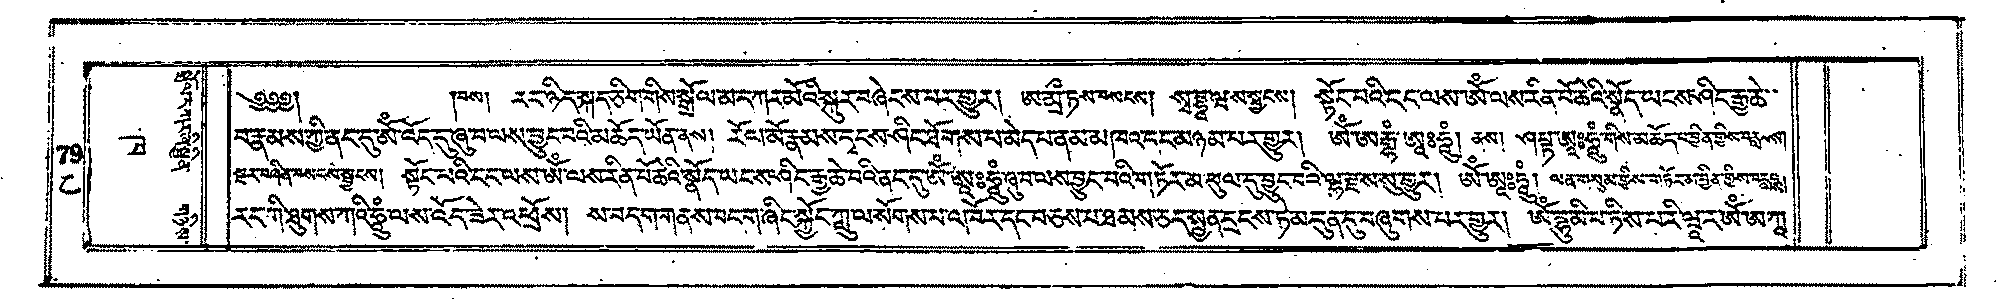༄༅༅། །བས། རང་ཉིད་སྐད་ཅིག་གིས་སྒྲོལ་མ་དཀར་མོའི་སྐུར་བཞེངས་པར་གྱུར། ཨྀ་མྲ་ཏས་བསངས། སྭ་བྷཱ་ཝས་སྦྱངས། སྟོང་བའི་ངང་ལས་ཨོཾ་ལས་རིན་པོ་ཆེའི་སྣོད་ཡངས་ཤིང་རྒྱ་ཆེ་་་
བ་རྣམས་ཀྱི་ནང་དུ་ཨོཾ་འོད་དུ་ཞུ་བ་ལས་བྱུང་བའི་མཆོད་ཡོན་ནས། རོལ་མོ་རྣམས་དྭངས་ཤིང་ཐོགས་པ་མེད་པ་ནམ་མཁའ་དང་མཉམ་པར་གྱུར། ཨོཾ་ཨརྒྷཾ་ཨཱཿ ཧཱུཾ། ནས།  ཤཔྟ་ཨཱཿ ཧཱུཾ་གིས་མཆོད་པ་བྱིན་གྱིས་བརླབས།
སྔར་བཞིན་བསངས་སྦྱངས། སྟོང་པའི་ངང་ལས་ཨོཾ་ལས་རིན་པོ་ཆེའི་སྣོད་ཡངས་ཤིང་རྒྱ་ཆེ་བའི་ནང་དུ་ཨོཾ་ཨཱཿ ཧཱུཾ་ཞུ་བ་ལས་བྱུང་བའི་གཏོར་མ་ཕུལ་དུ་བྱུང་བའི་ལྷ་རྫས་སུ་གྱུར། ཨོཾ་ཨཱཿ ཧཱུཾ། ལན་གསུམ་གྱིས་གཏོར་མ་བྱིན་གྱིས་བརླབས།
རང་གི་ཐུགས་ཀའི་ཧཱུཾ་ལས་འོད་ཟེར་འཕྲོས། ས་བདག་གནས་བདག་ཞིང་སྐྱོང་ཀླུ་ལ་སོགས་པ་འཁོར་དང་བཅས་པ་ཐམས་ཅད་སྤྱན་དྲངས་ཏེ་མདུན་དུ་བཞུགས་པར་གྱུར། ཨོཾ་བྷུ་མི་པ་ཏི་ས་པ་རི་ཝཱ་ར་ཨོཾ་ཨཀཱ་